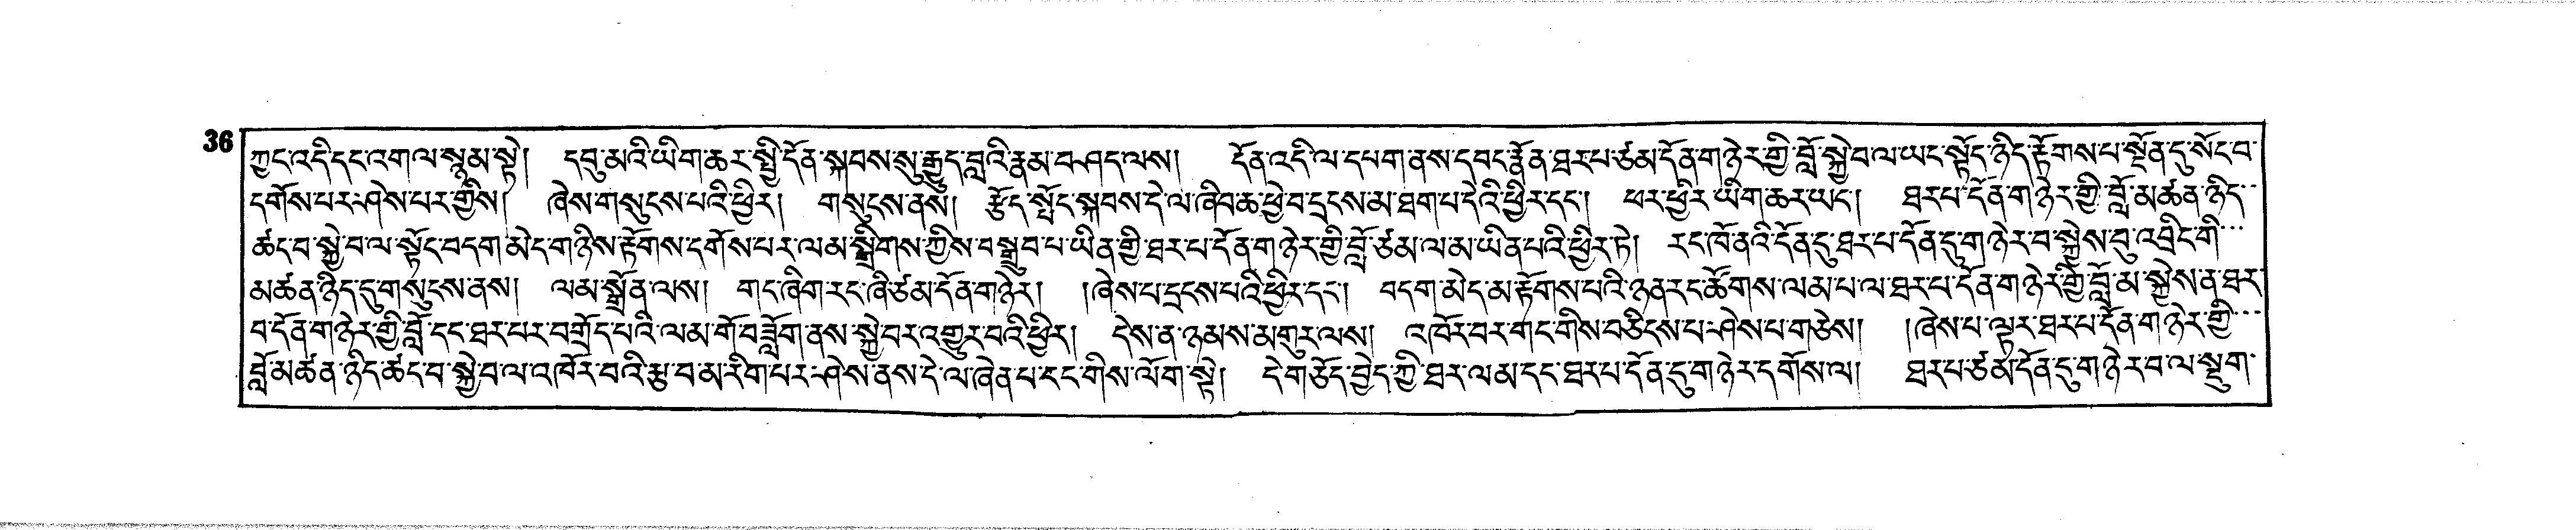ཀྱང་འདི་དང་འགལ་སྙམ་སྟེ། དབུ་མའི་ཡིག་ཆར་སྤྱི་དོན་སྐབས་སུ་རྒྱུད་བླའི་རྣམ་བཤད་ལས། དོན་འདི་ལ་དཔག་ནས་དབང་རྣོན་ཐར་པ་ཙམ་དོན་གཉེར་གྱི་བློ་སྐྱེ་བ་ལ་ཡང་སྟོང་ཉིད་རྟོགས་པ་སྔོན་དུ་སོང་བ་
དགོས་པར་ཤེས་པར་གྱིས། ཞེས་གསུངས་པའི་ཕྱིར། གསུངས་ནས། རྩོད་སྤོང་སྐབས་དེ་ལ་ཞིབ་ཆ་ཕྱེ་བ་དྲངས་མ་ཐག་པ་དེའི་ཕྱིར་དང་། ཕར་ཕྱིར་ཡིག་ཆར་ཡང་། ཐར་པ་དོན་གཉེར་གྱི་བློ་མཚན་ཉིད་
ཚང་བ་སྐྱེ་བ་ལ་སྟོང་བདག་མེད་གཉིས་རྟོགས་དགོས་པར་ལམ་སྒྲིགས་ཀྱིས་བསྒྲུབ་པ་ཡིན་གྱི་ཐར་པ་དོན་གཉེར་གྱི་བློ་ཙམ་ལ་མ་ཡིན་པའི་ཕྱིར་ཏེ། རང་ཁོ་ནའི་དོན་དུ་ཐར་པ་དོན་དུ་གཉེར་བ་སྐྱེས་བུ་འབྲིང་གི་
མཚན་ཉིད་དུ་གསུངས་ནས། ལམ་སྒྲོན་ལས། གང་ཞིག་རང་ཞི་ཙམ་དོན་གཉེར། །ཞེས་པ་དྲངས་པའི་ཕྱིར་དང་། བདག་མེད་མ་རྟོགས་པའི་ཉན་རང་ཚོགས་ལམ་པ་ལ་ཐར་པ་དོན་གཉེར་གྱི་བློ་མ་སྐྱེས་ན་ཐར་
བ་དོན་གཉེར་གྱི་བློ་དང་ཐར་པར་བགྲོད་པའི་ལམ་གོ་བཟློག་ནས་སྐྱེ་བར་འགྱུར་བའི་ཕྱིར། དེས་ན་ཉམས་མགུར་ལས། འཁོར་བར་གང་གིས་བཅིངས་པ་ཤེས་པ་གཅེས། །ཞེས་པ་ལྟར་ཐར་པ་དོན་གཉེར་གྱི་
བློ་མཚན་ཉིད་ཚང་བ་སྐྱེ་བ་ལ་འཁོར་བའི་རྩ་བ་མ་རིག་པར་ཤེས་ནས་དེ་ལ་ཞེན་པ་ངང་གིས་ལོག་སྟེ། དེ་གཅོད་བྱེད་ཀྱི་ཐར་ལམ་དང་ཐར་པ་དོན་དུ་གཉེར་དགོས་ལ། ཐར་པ་ཙམ་དོན་དུ་གཉེར་བ་ལ་སྡུག་